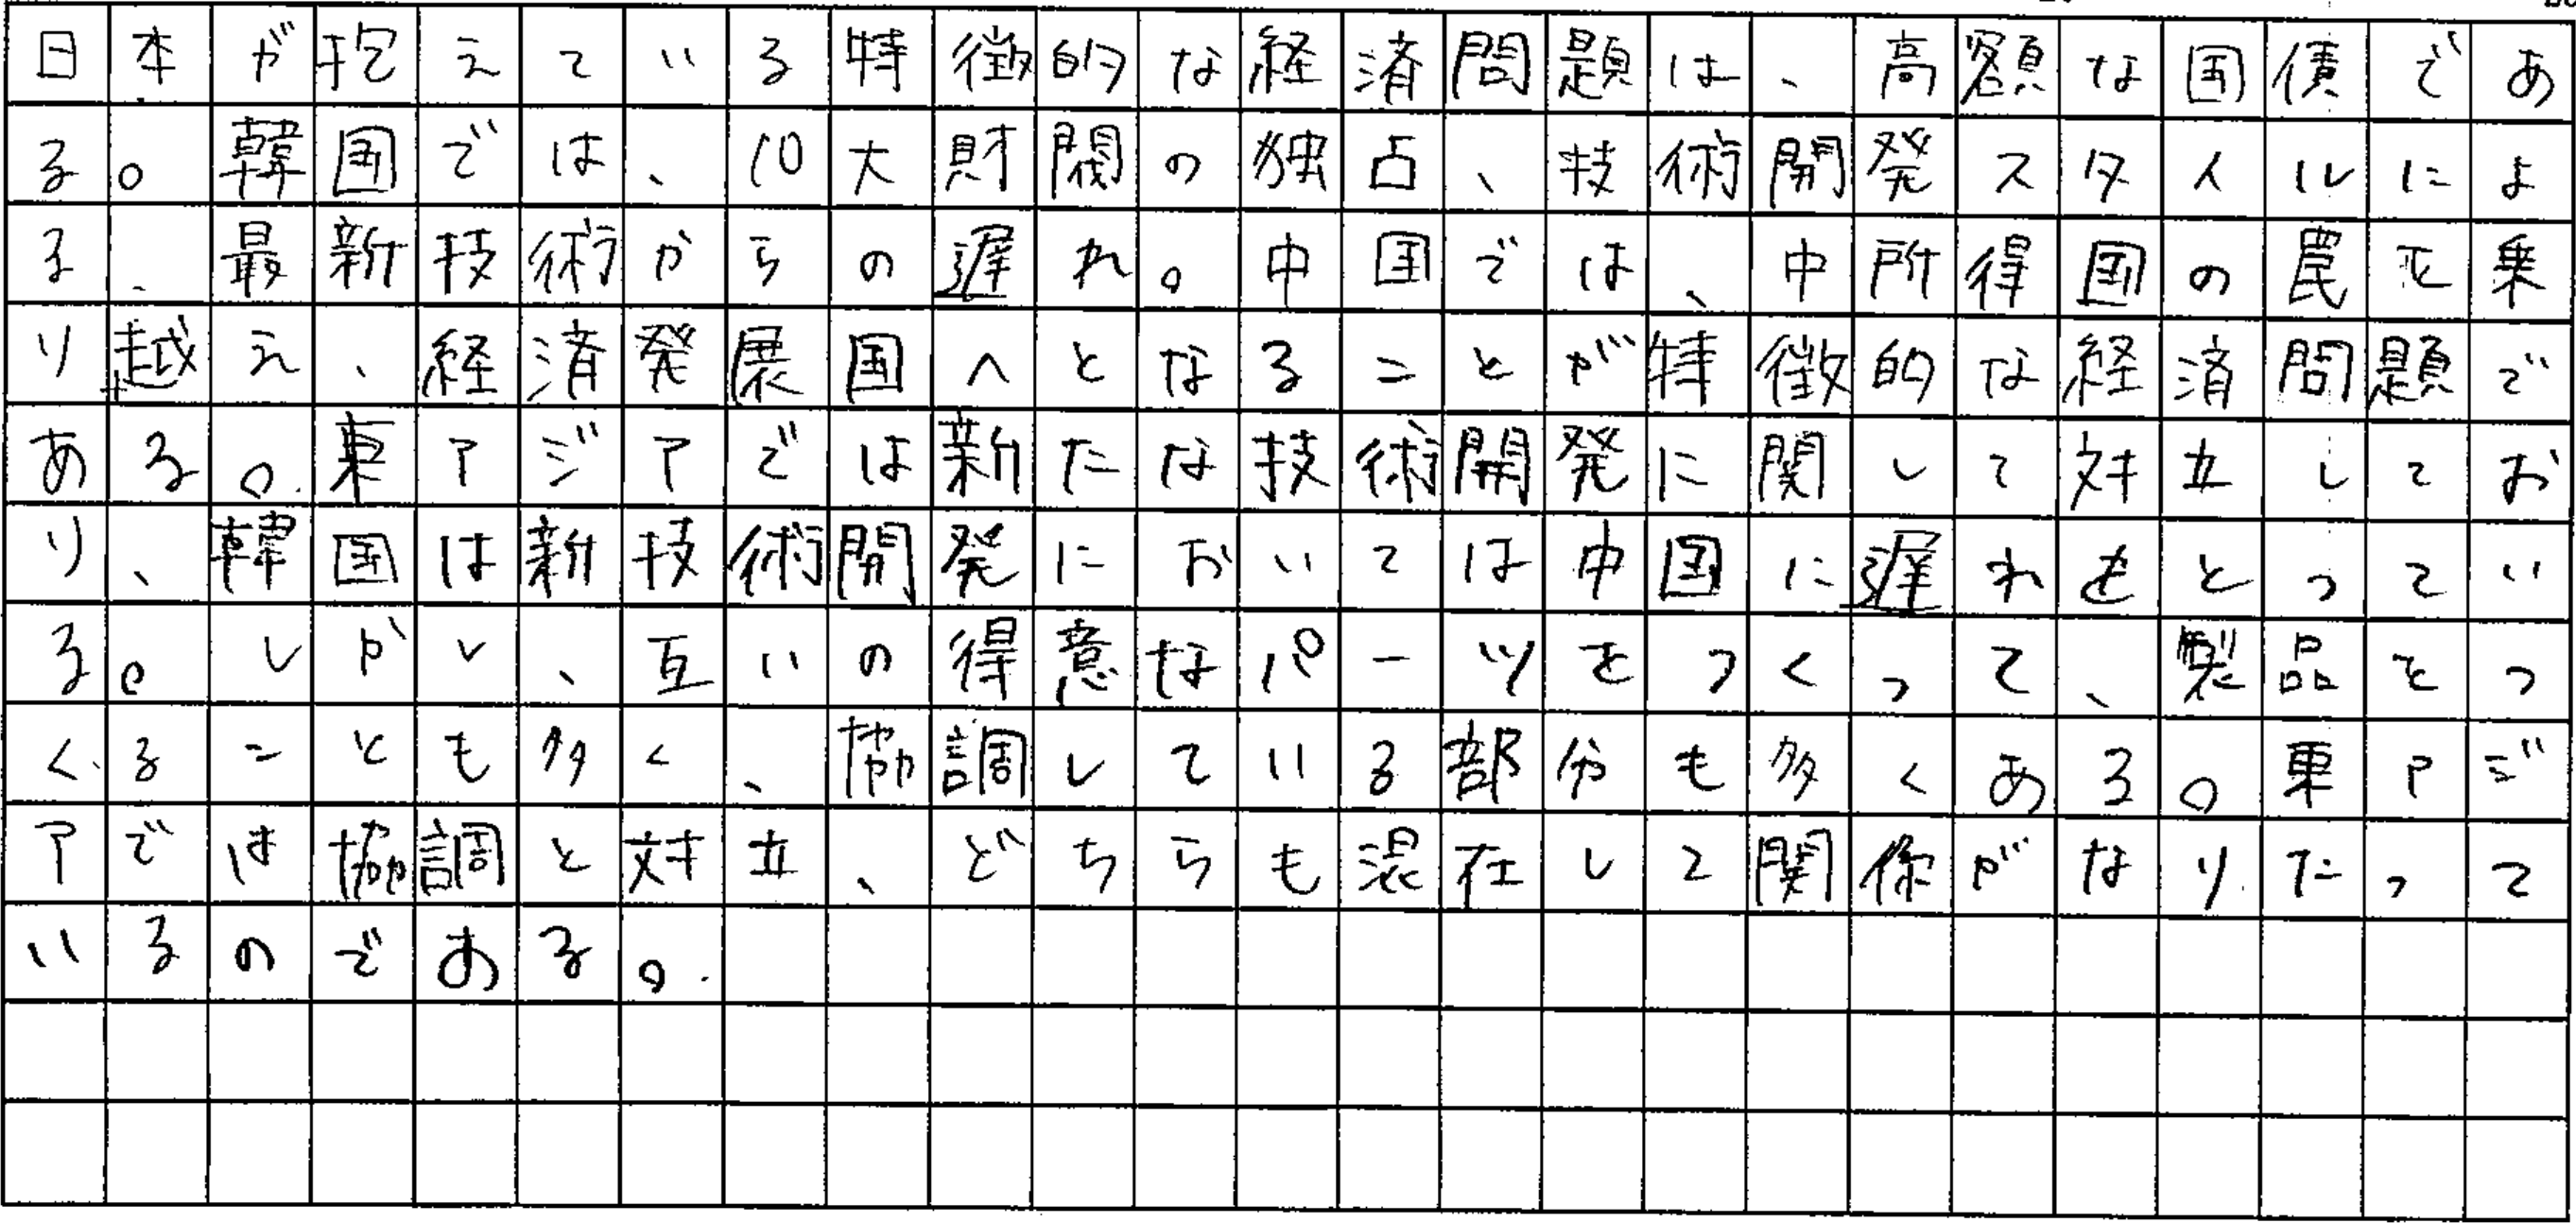日本が抱えている特徴的な経済問題は、高額な国債である。韓国では、10大財閥の独占、技術開発スタイルによる、最新技術からの遅れ。中国では、中所得国の罠を乗り越え、経済発▁国へとなることが特徴的な経済問題である。東アジアでは新たな技術開発に関して対立しており、韓国は新技術開発においては中国に遅れをとっている。しかし、互いの得意なパーツをつくって、製品をつくることも多く、協調している部分も多くある。東アジアでは協調と対立、どちらも混在して関係がなりたっているのである。
